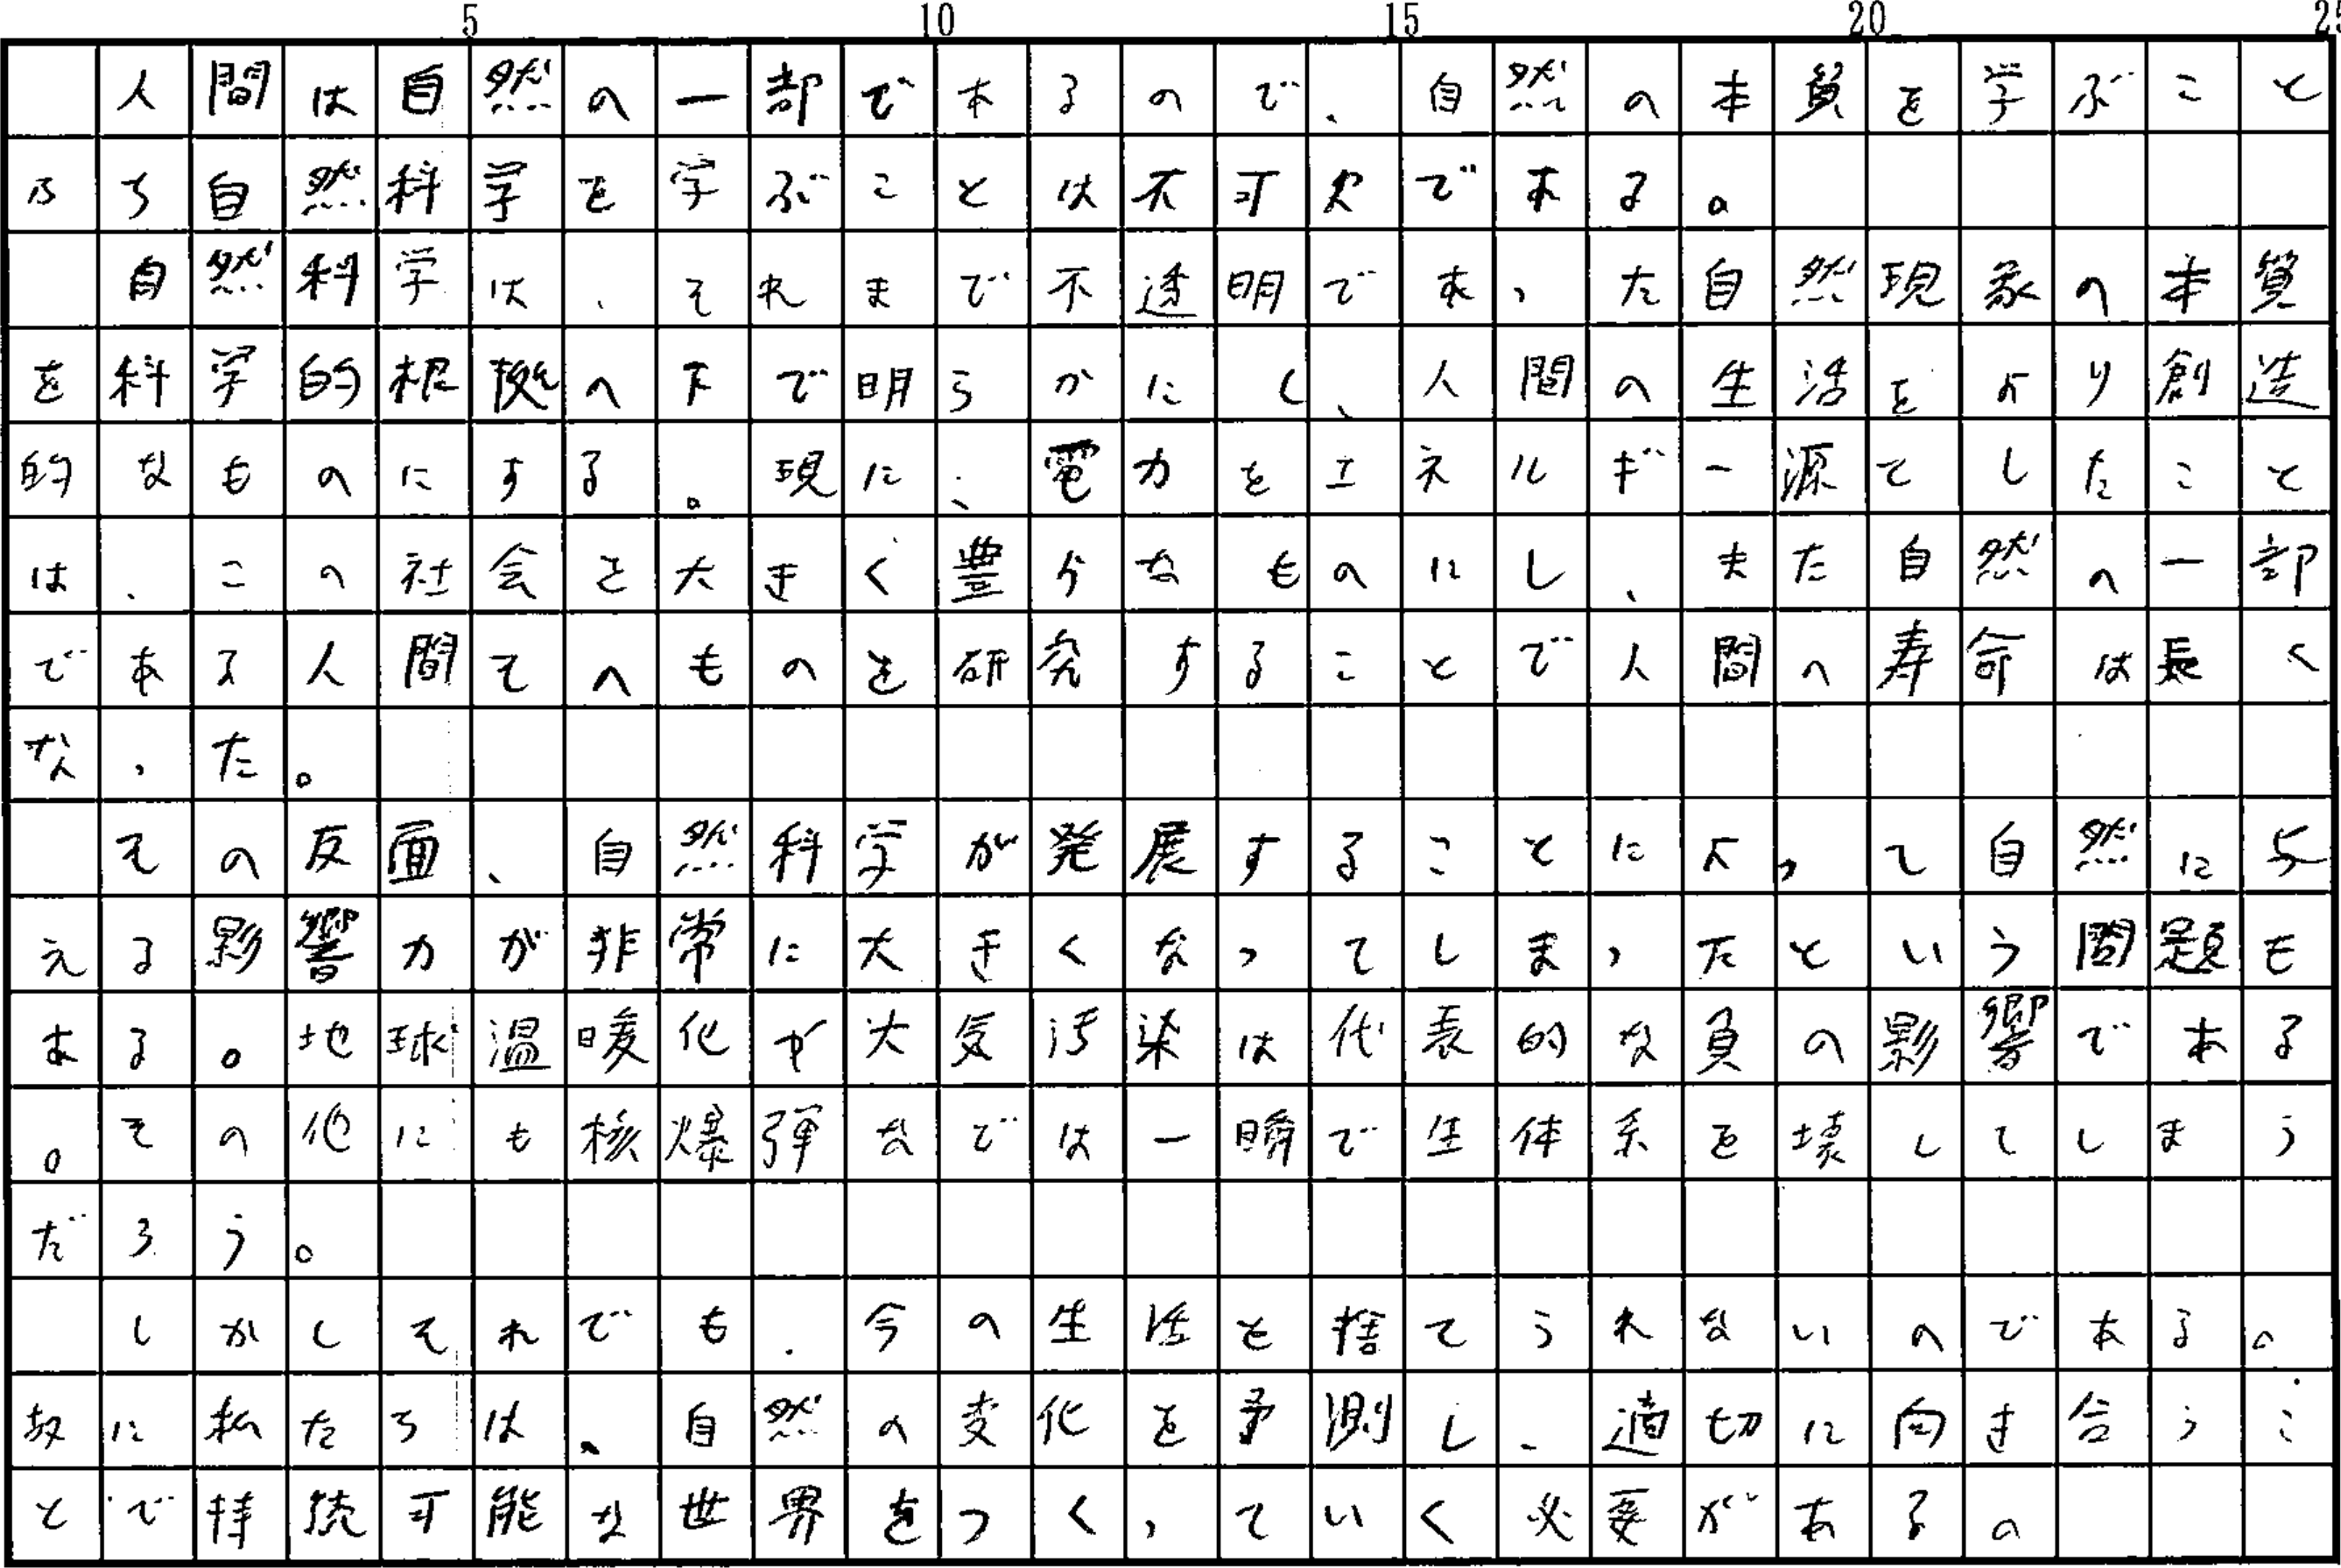　人間は自然の一部であるので、自然の本質を学ぶこと乃ち自然科学を学ぶことは不可欠である。
　自然科学は、それまで不透明であった自然現象の本質を科学的根拠の下で明らかにし、人間の生活をより創造的なものにする。現に、電力をエネルギー源にしたことは、この社会を大きく豊かなものにし、また自然の一部である人間そのものを研究することで人間の寿命は長くなった。
　その反面、自然科学が発展することによって自然に与える影響力が非常に大きくなってしまったという問題もある。地球温▁化や大気汚染は代表的な負の影響である。その他にも核爆弾などは一瞬で生体系を壊してしまうだろう。
　しかしそれでも、今の生活を捨てられないのである。故に私たちは、自然の変化を予測し、適切に向き合うことで持続可能な世界をつくっていく必要がある。
